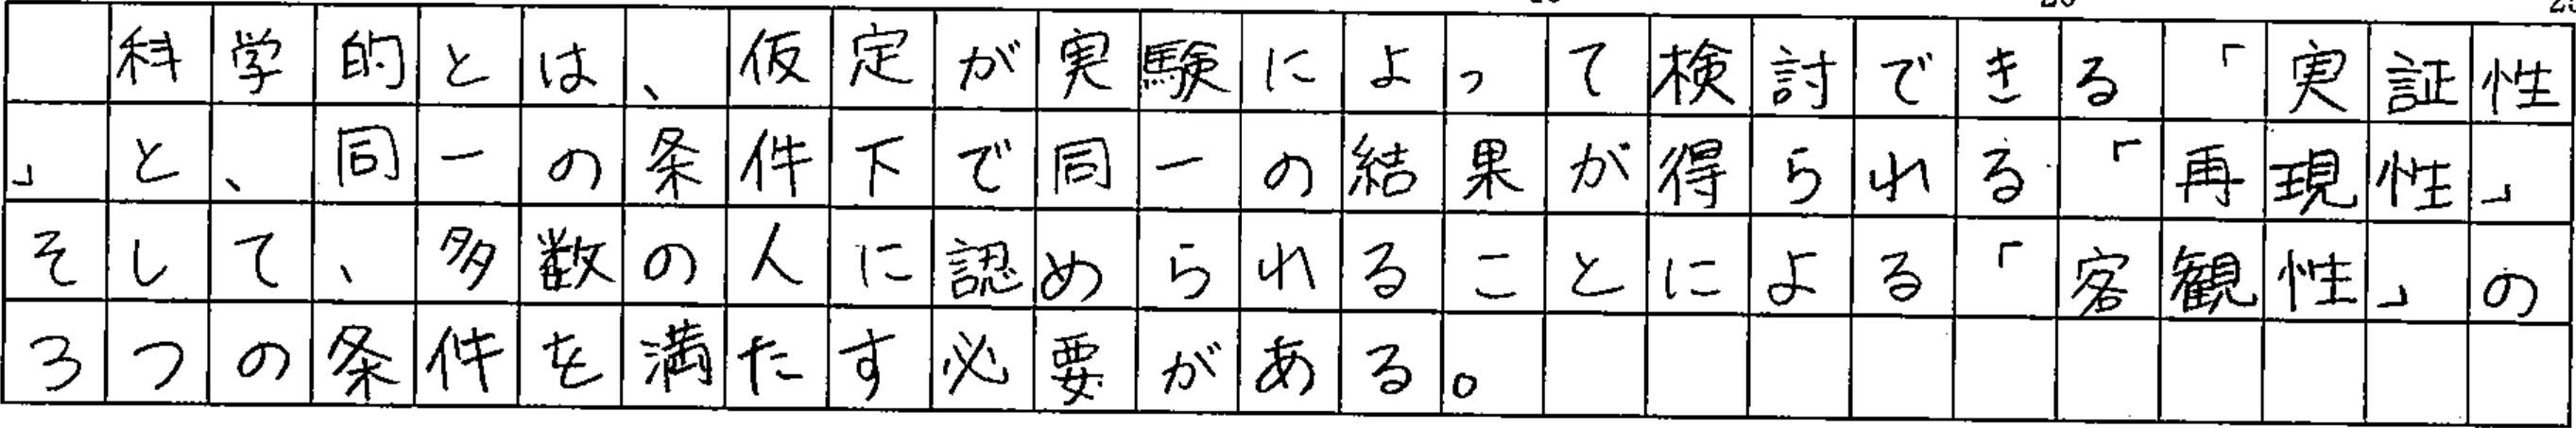　科学的とは、仮定が実験によって検討できる「実証性」と、同一の条件下で同一の結果が得られる「再現性」そして、多数の人に認められることによる「客観性」の３つの条件を満たす必要がある。
